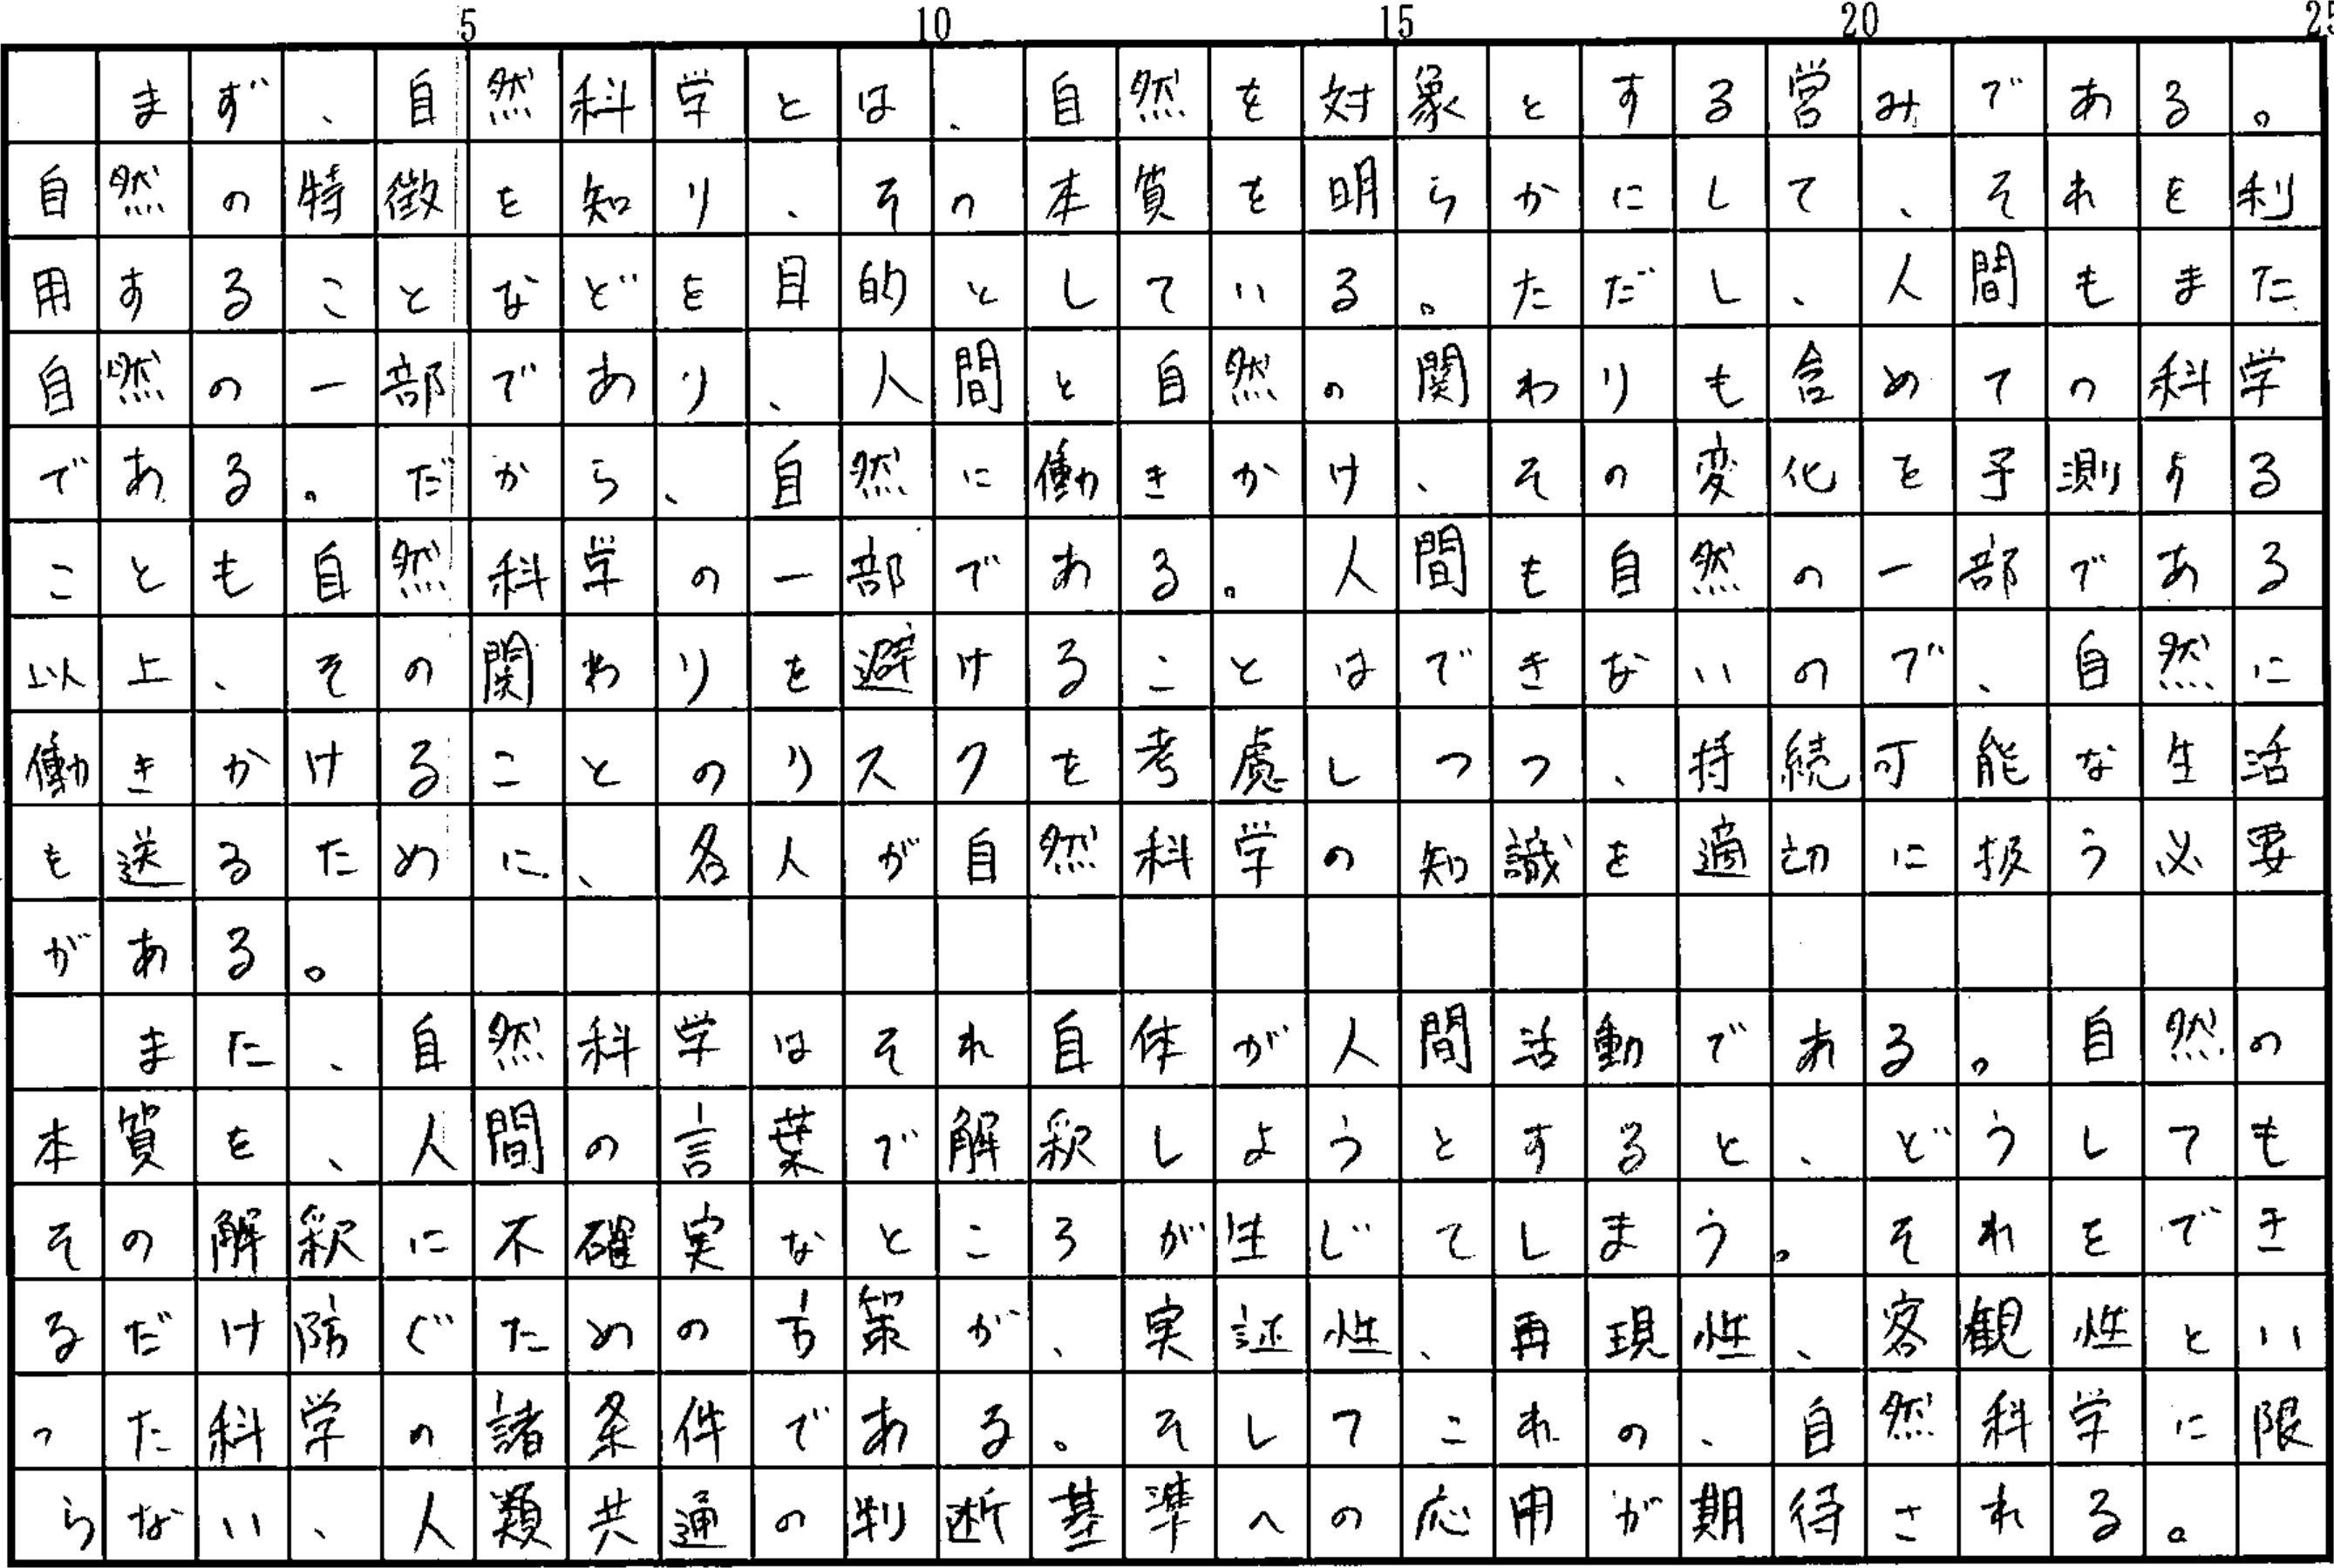　まず、自然科学とは、自然を対象とする営みである。自然の特徴を知り、その本質を明らかにして、それを利用することなどを目的としている。ただし、人間もまた自然の一部であり、人間と自然の関わりも含めての科学である。だから、自然に働きかけ、その変化を予測することも自然科学の一部である。人間も自然の一部である以上、その関わりを避けることはできないので、自然に働きかけることのリスクを考慮しつつ、持続可能な生活を送るために、各人が自然科学の知識を適切に扱う必要がある。
　また、自然科学はそれ自体が人間活動である。自然の本質を、人間の言葉で解釈しようとすると、どうしてもその解釈に不確実なところが生じてしまう。それをできるだけ防ぐための方策が、実証性、再現性、客観性といった科学の諸条件である。そしてこれの、自然科学に限らない、人類共通の判断基準への応用が期待される。
